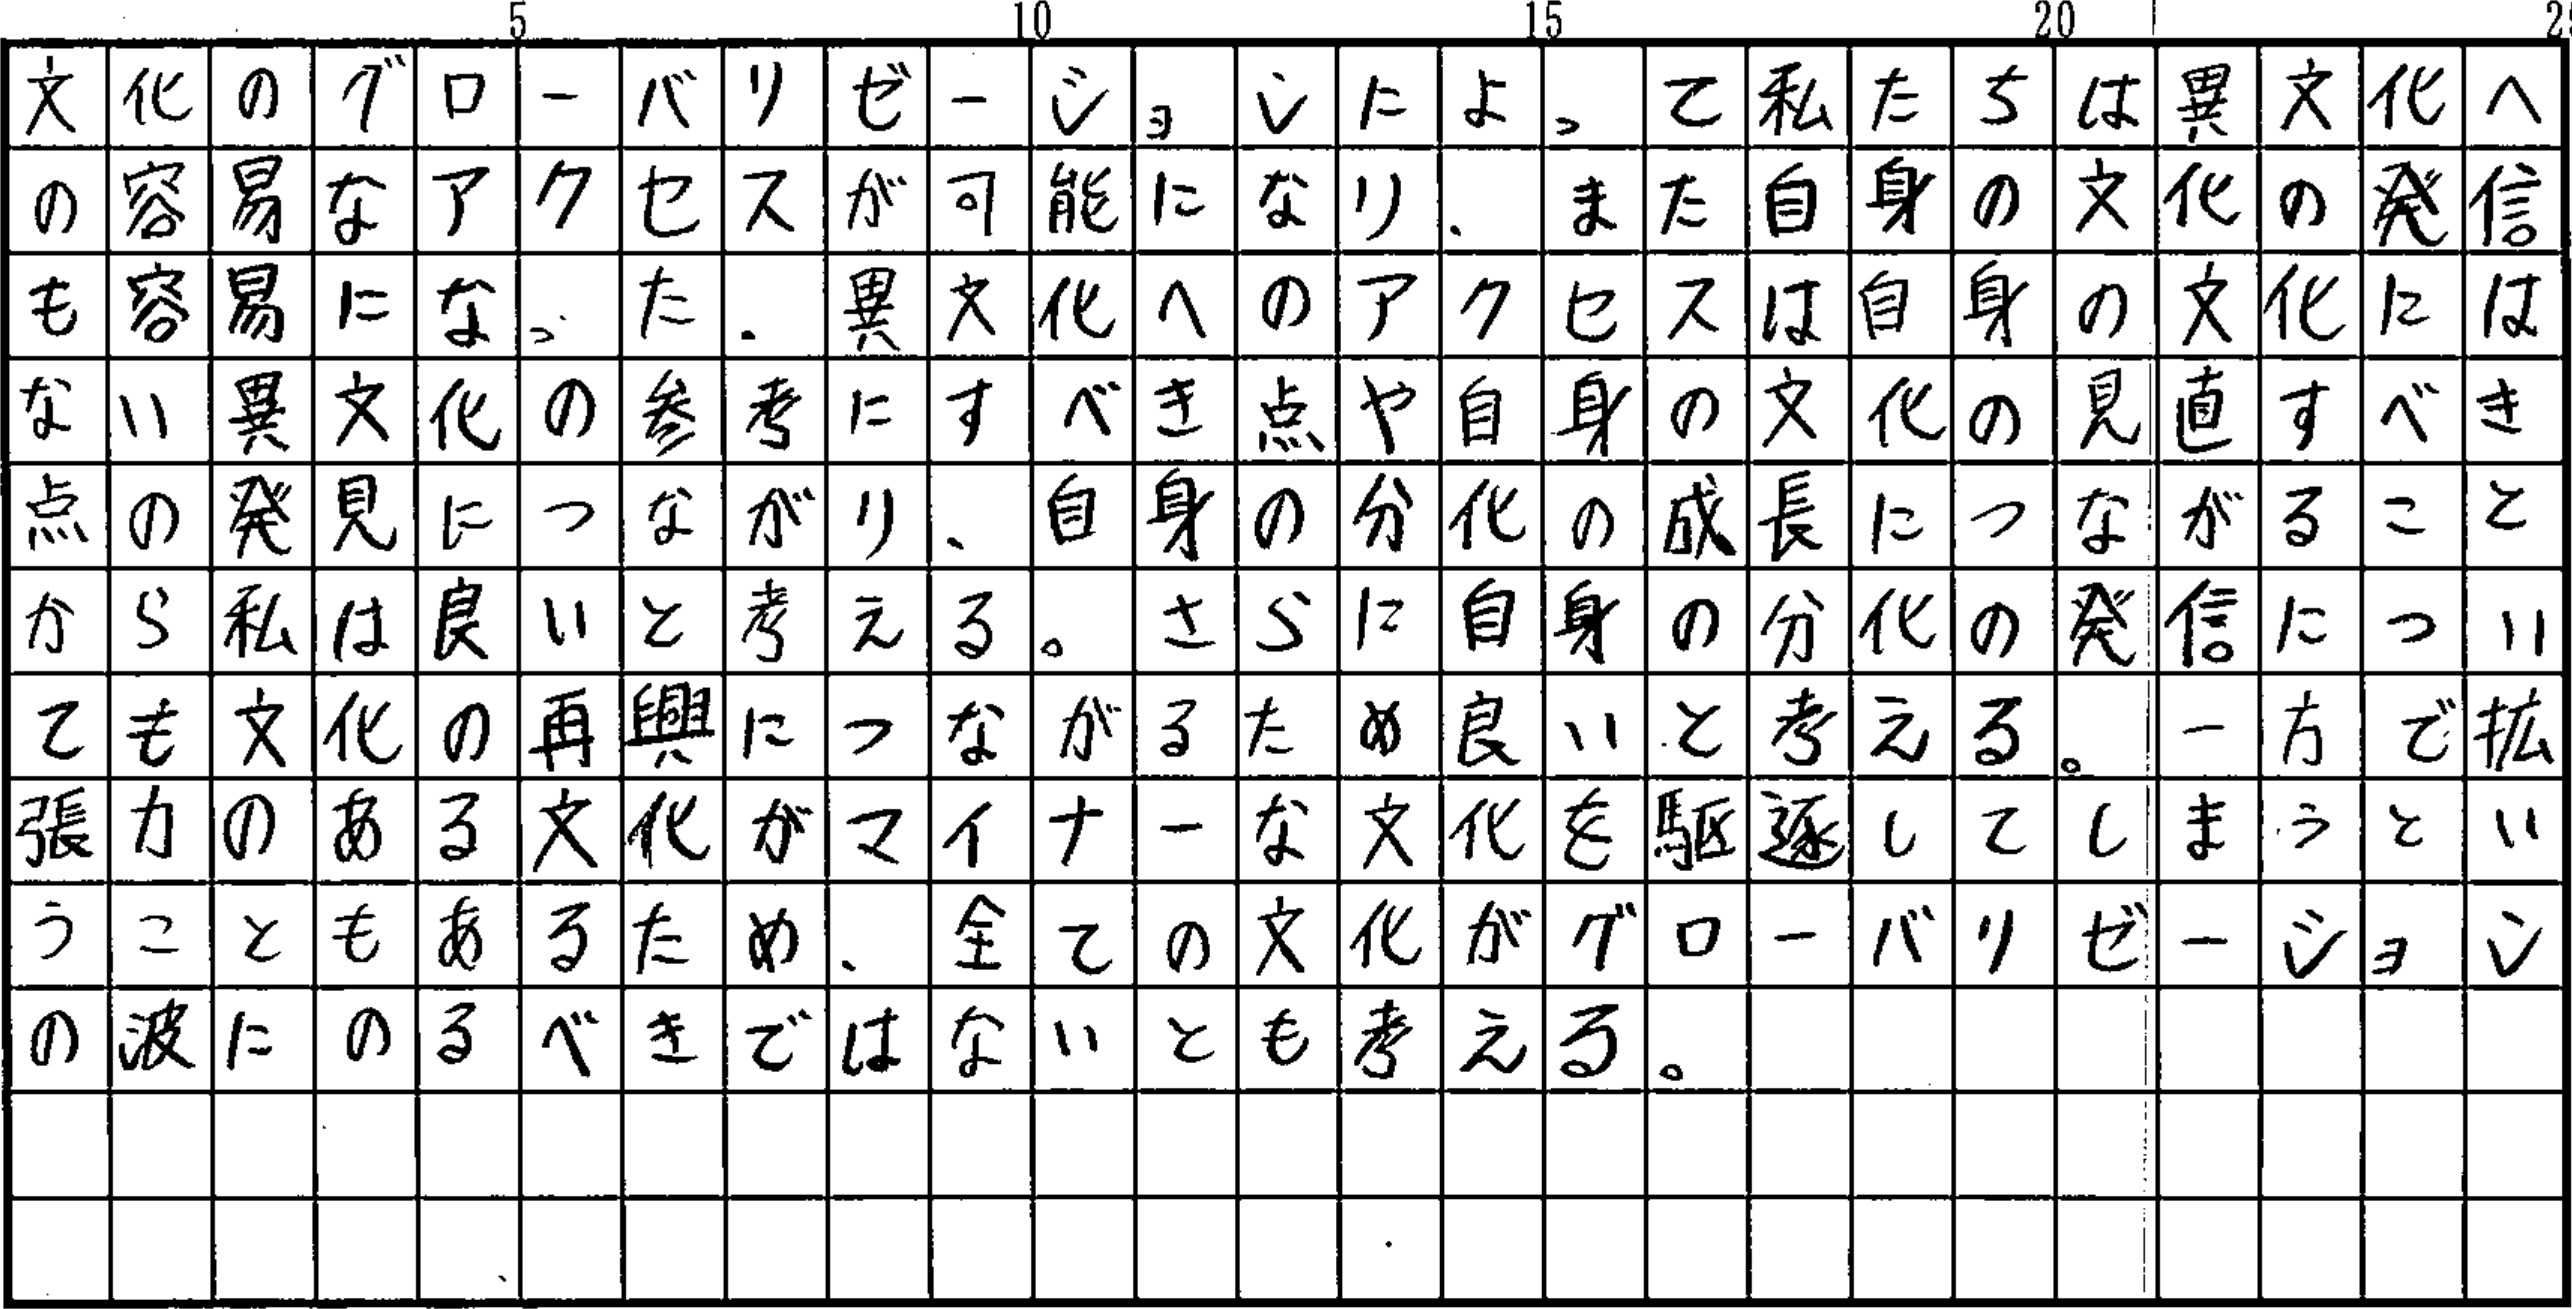文化のグローバリゼーションによって私たちは異文化への容易なアクセスが可能になり、また自身の文化の発信も容易になった。異文化へのアクセスは自身の文化にはない異文化の参考にすべき点や自身の文化の見直すべき点の発見につながり、自身の分化の成長につながることから私は良いと考える。さらに自身の分化の発信についても文化の再興につながるため良いと考える。一方で拡張力のある文化がマイナーな文化を駆逐してしまうということもあるため、全ての文化がグローバリゼーションの波にのるべきではないとも考える。
